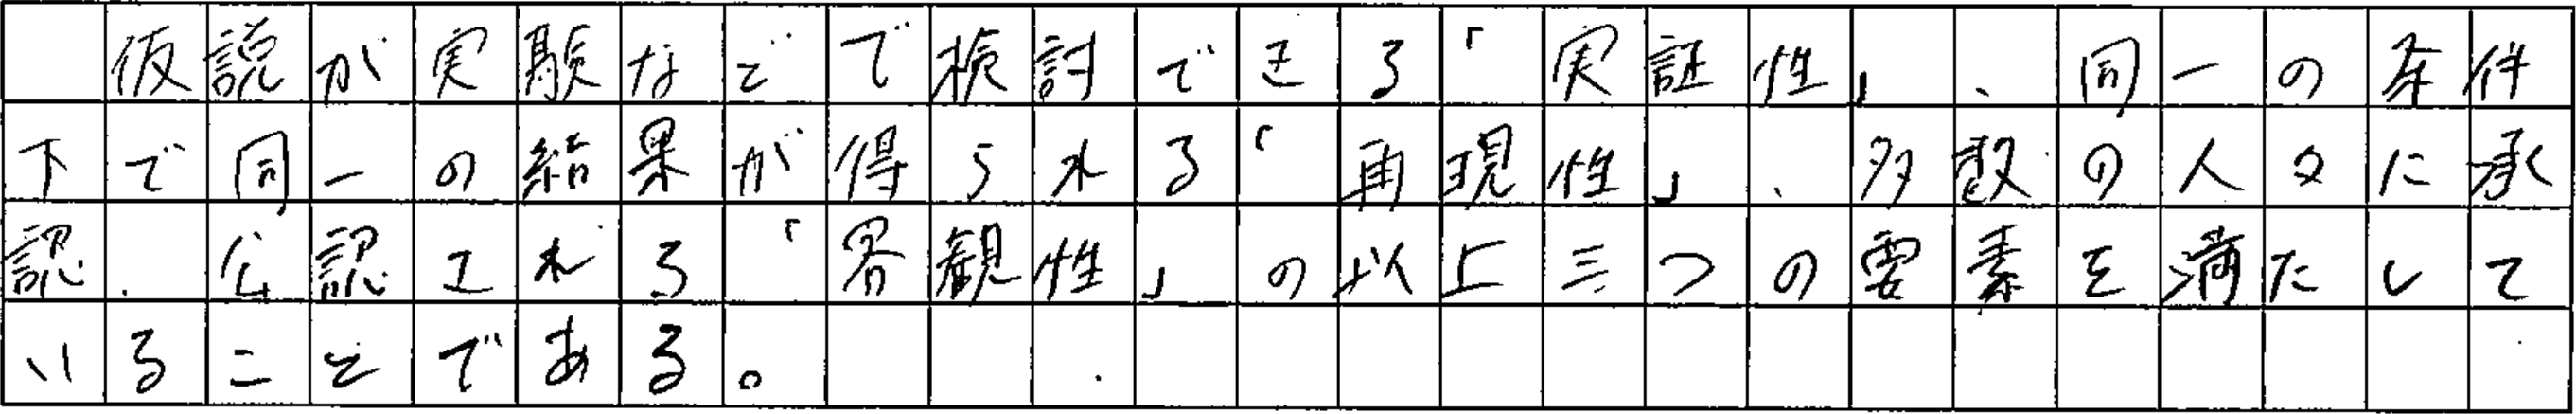　仮説が実験などで検討できる「実証性」、同一の条件下で同一の結果が得られる「再現性」、多数の人々に承認、公認される「客観性」の以上三つの要素を満たしていることである。
